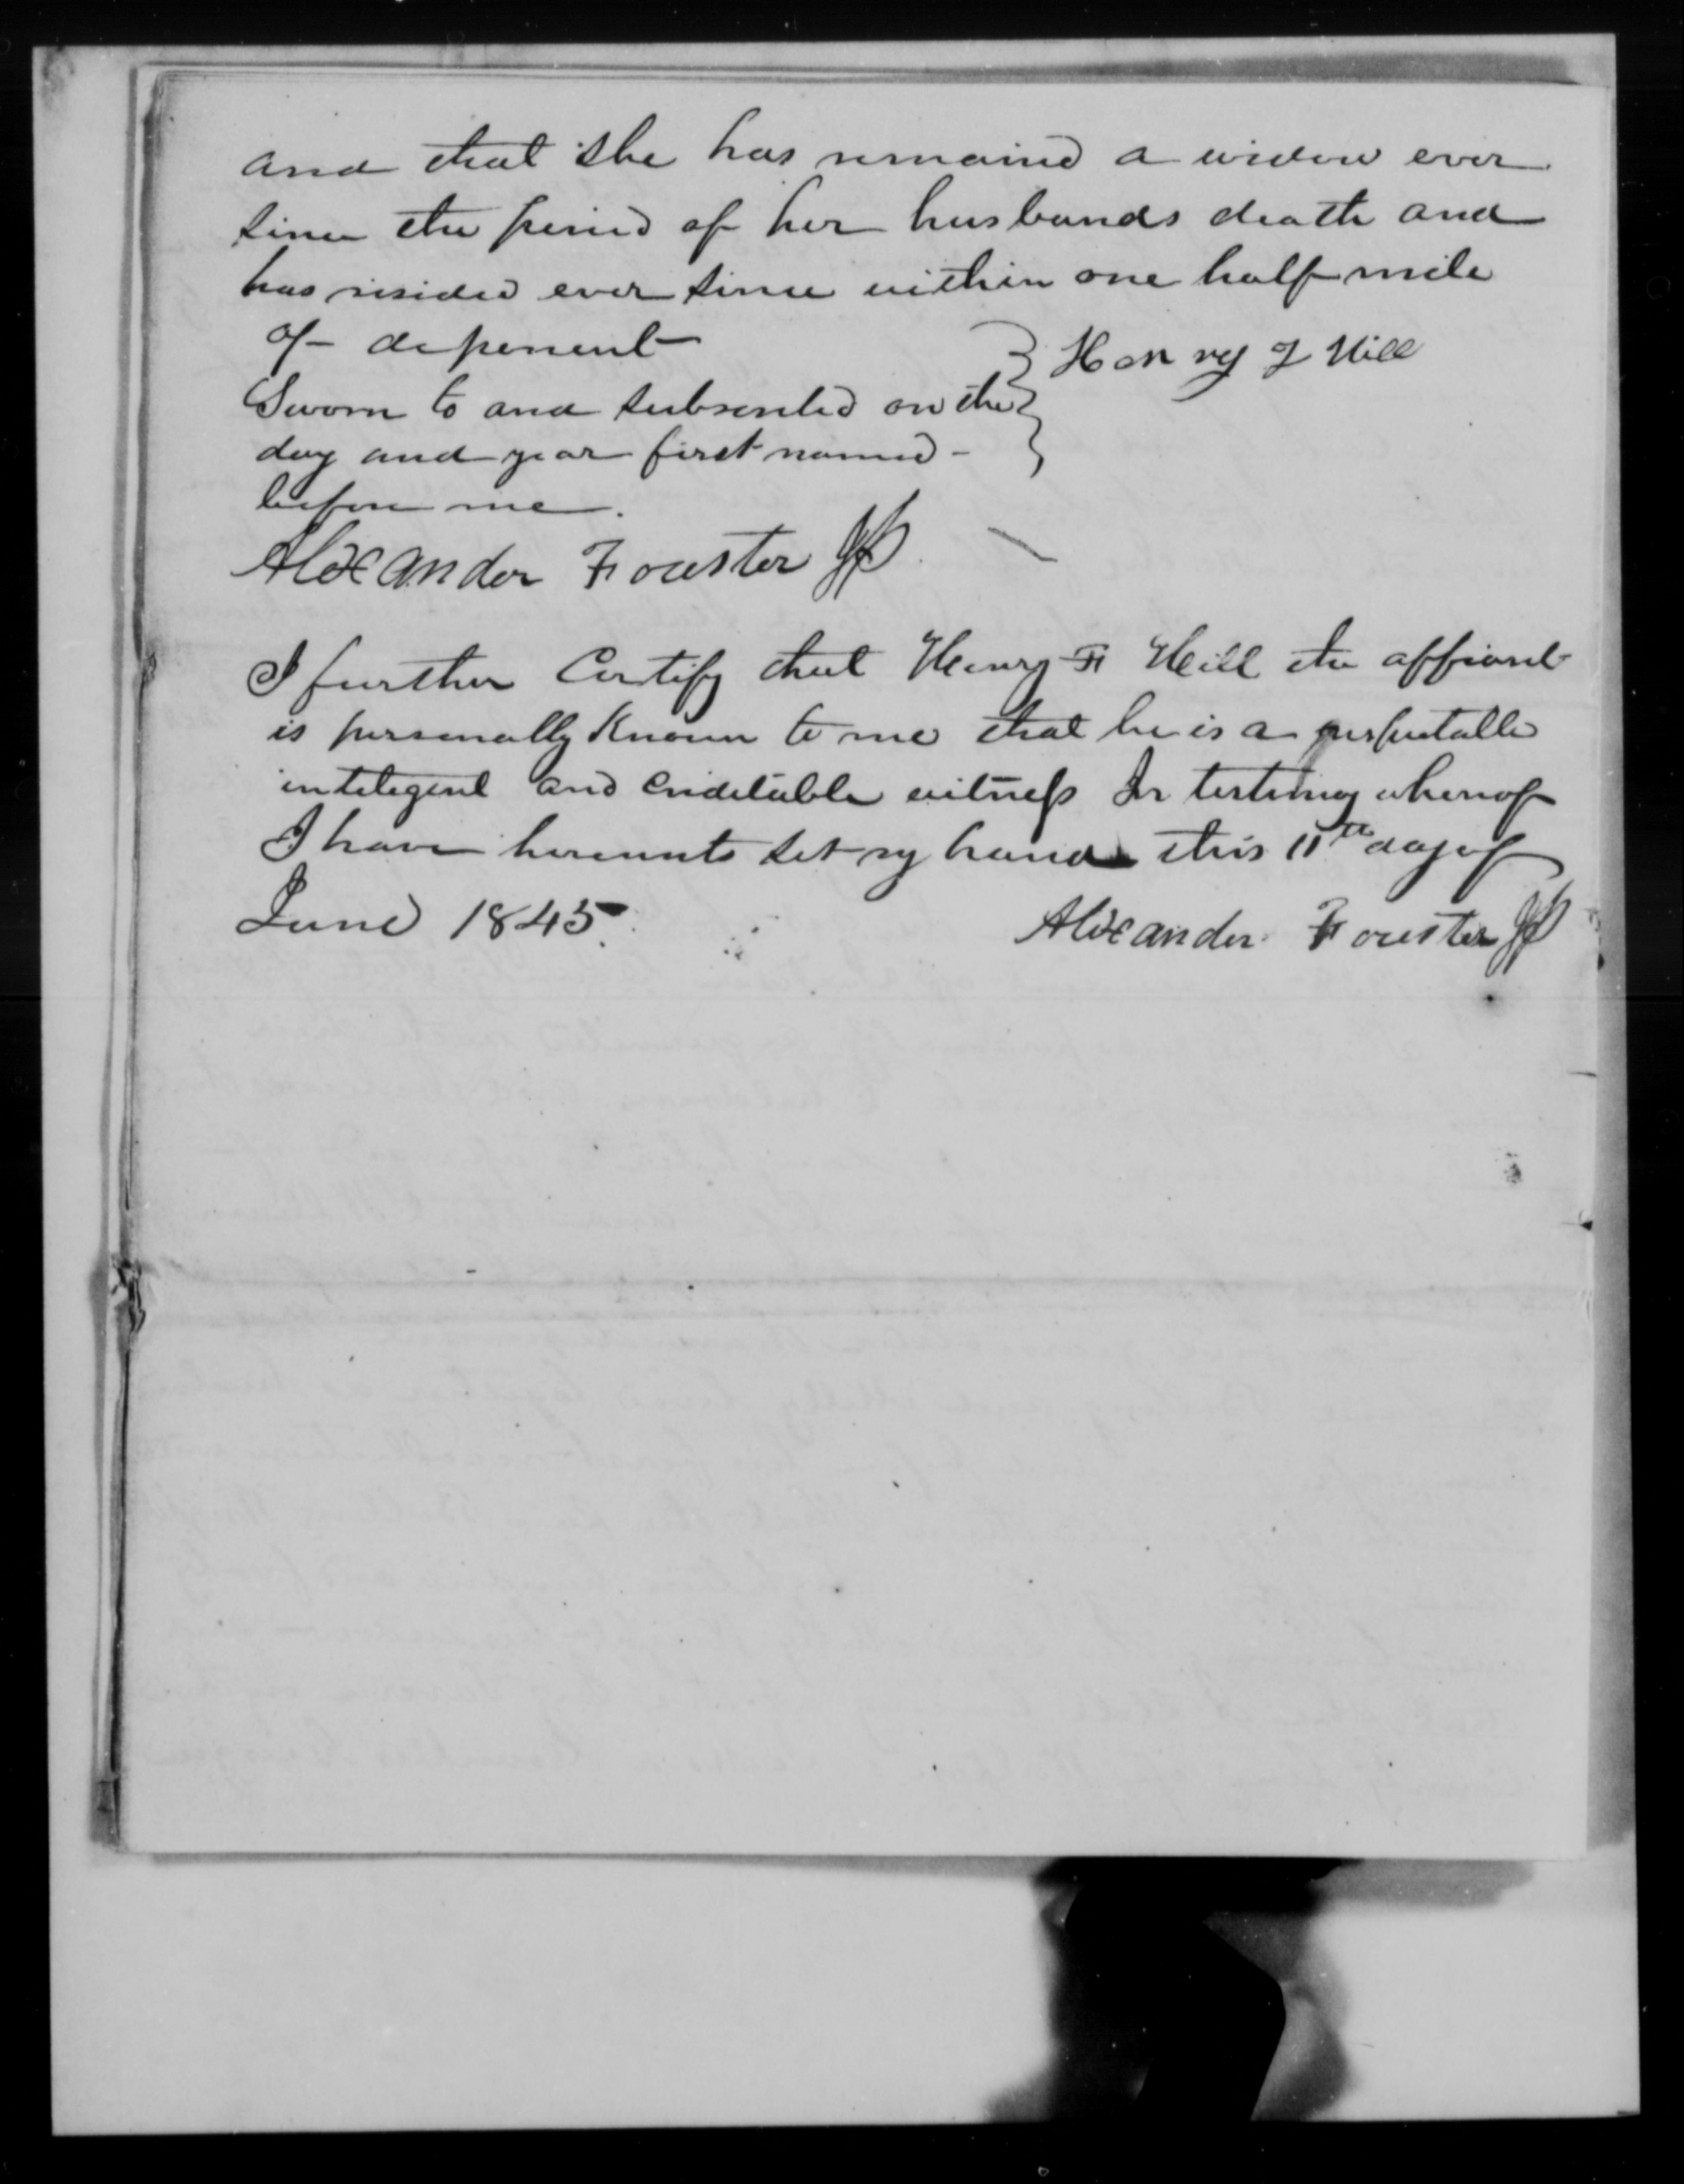and that she has remained a widow ever since the period of her husbands death and has resided ever within one half mile of deponent
Sworn to and subscribed on the day and year first named before me.
Alexander Forester JP
Henry F Hill

I further certify that Henry F Hill the affiant is personally known to me that he is a respectable intelligent and creditable witness In testimony whereof I have hereunto set my hand this 11th day of June 1845. Alexander Forester JP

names: Henry F Hill, Alexander Forester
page: 75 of 81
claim: widow's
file: W. 5183, Bolling Wright, Va.